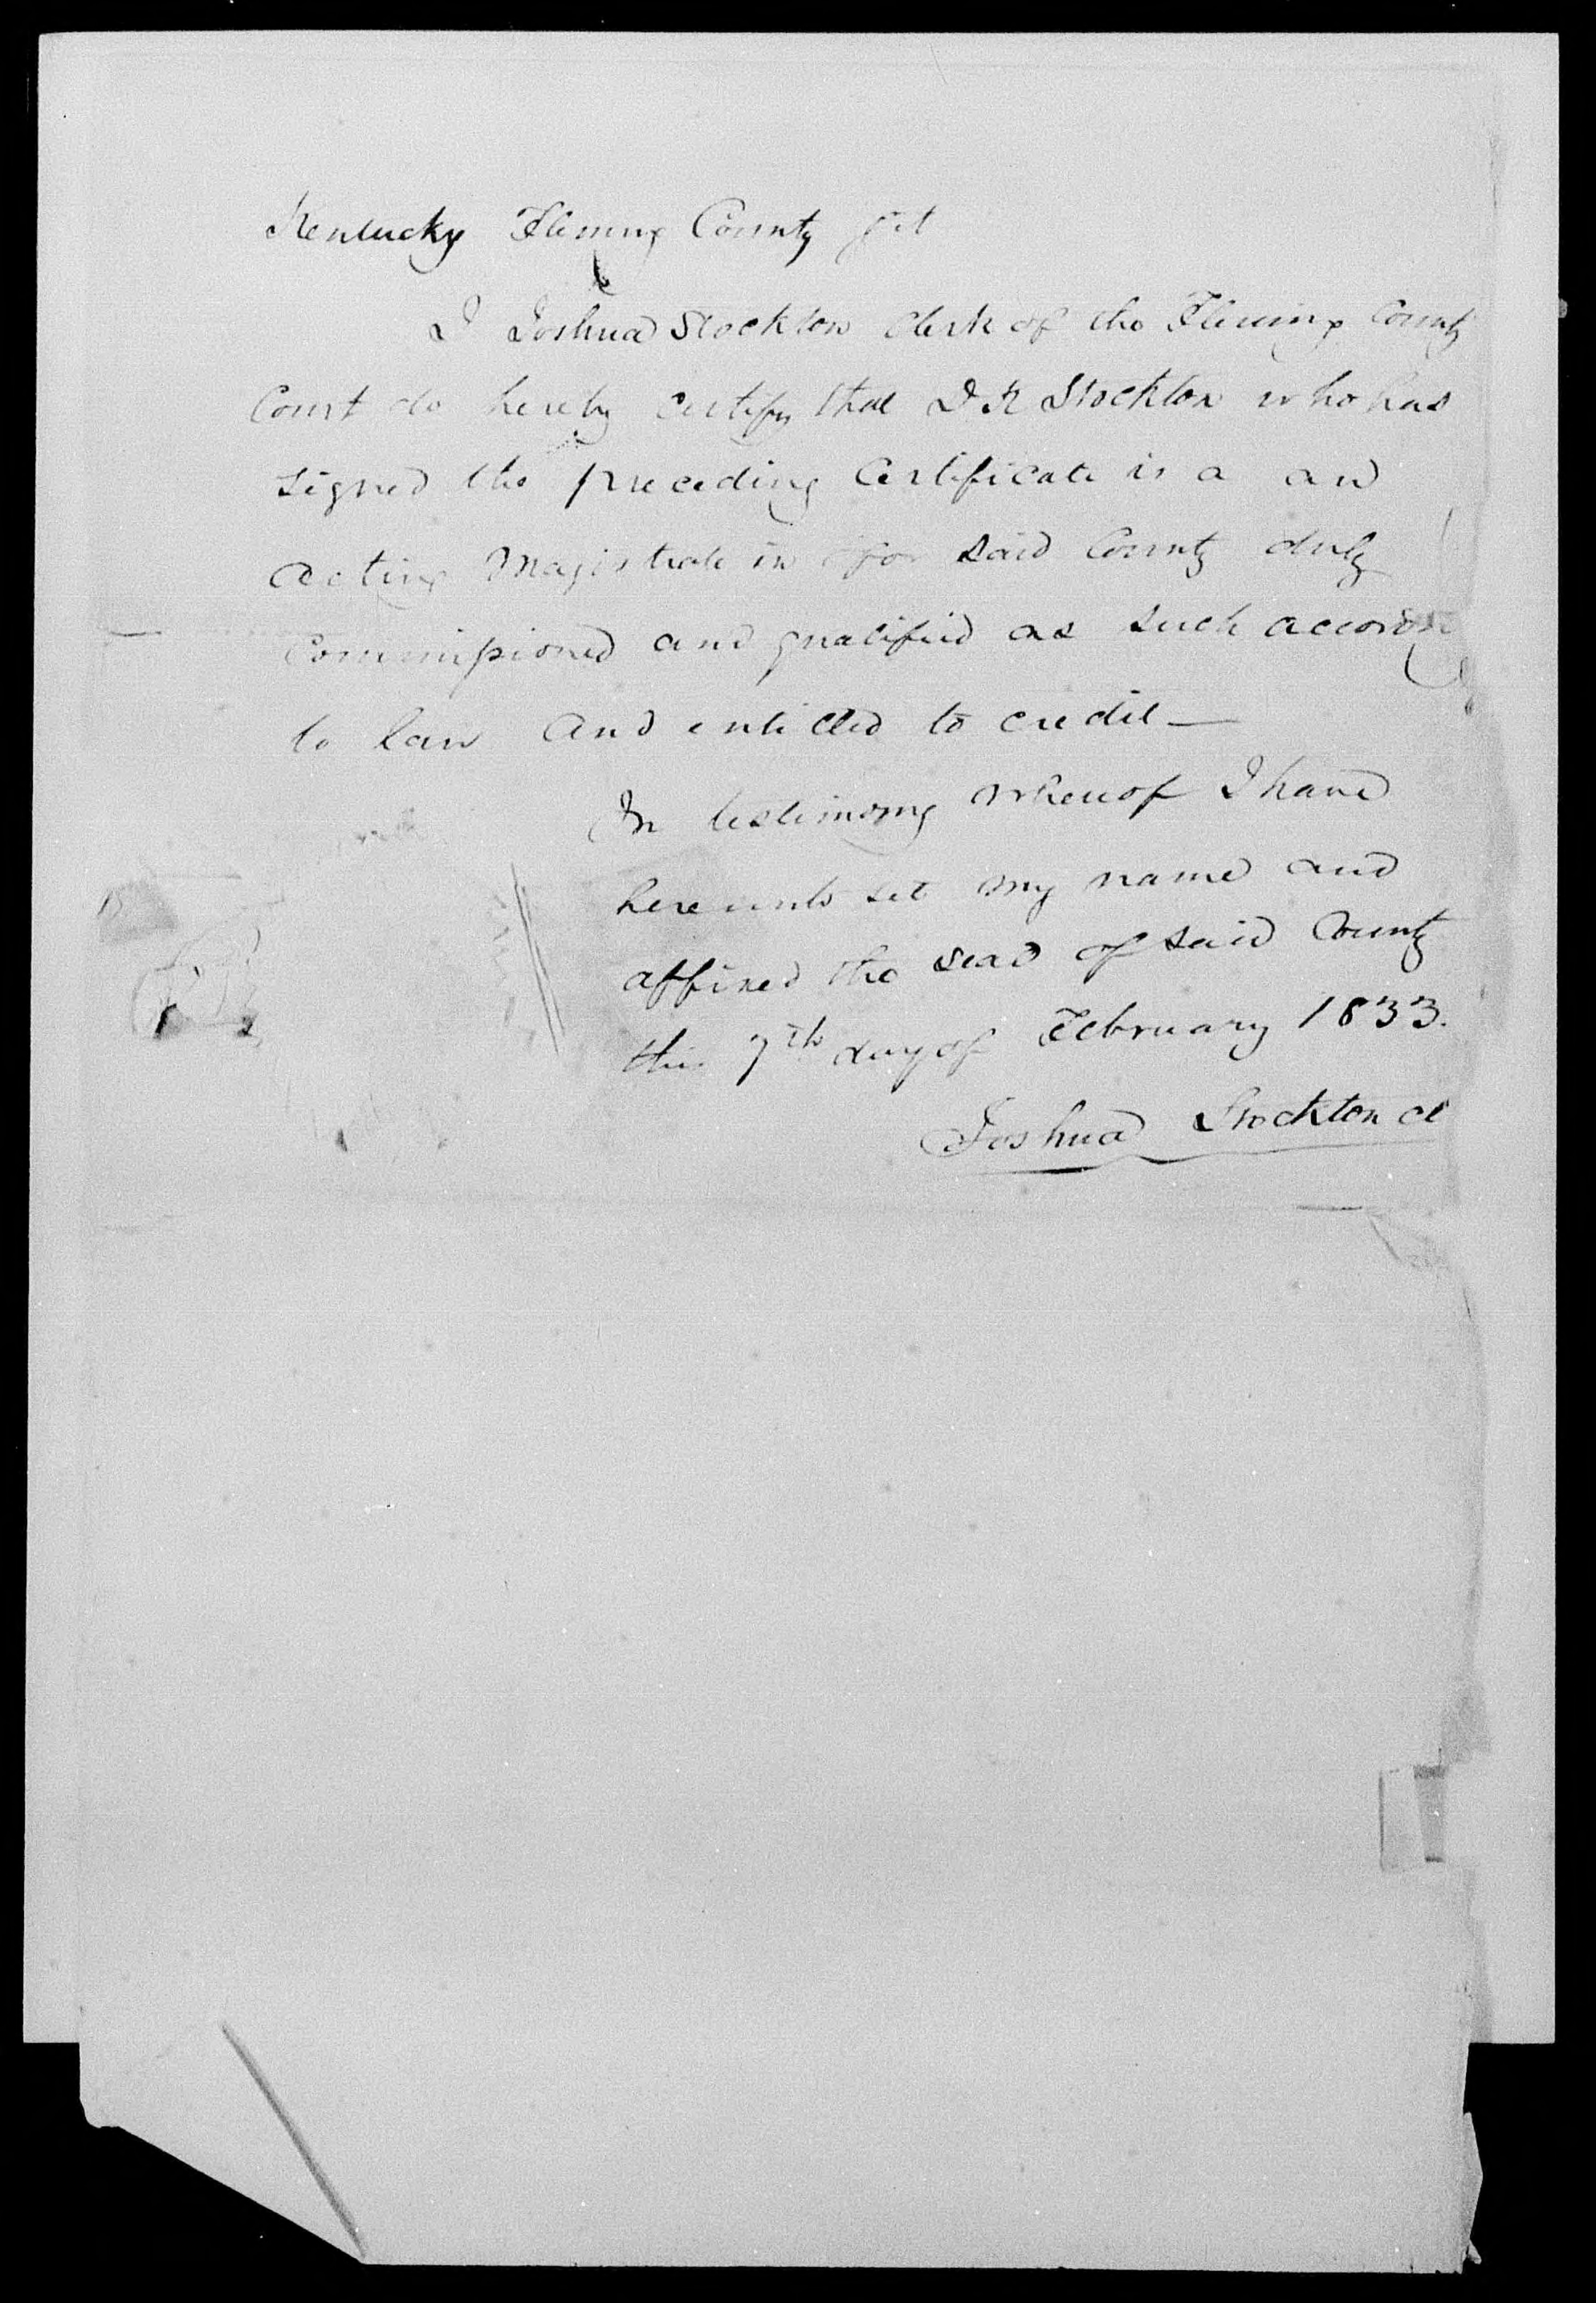Kentucky Fleming County 
I Joshua Stockton Clerk of Fleming County Court do hereby certify that DK Stockton who has signed the preceding certificate is a an
acting Magistrate in for said County duly
commissioned and qualified as such according
to law and entitled to credit --
In testimony whereof I have hereunto set my name and affixed the seal of said
County this 7th day of February 1833
Joshua Stockton Cl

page: 14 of 14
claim: survivor's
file: S 31237, for Joseph Maddin, Maryland